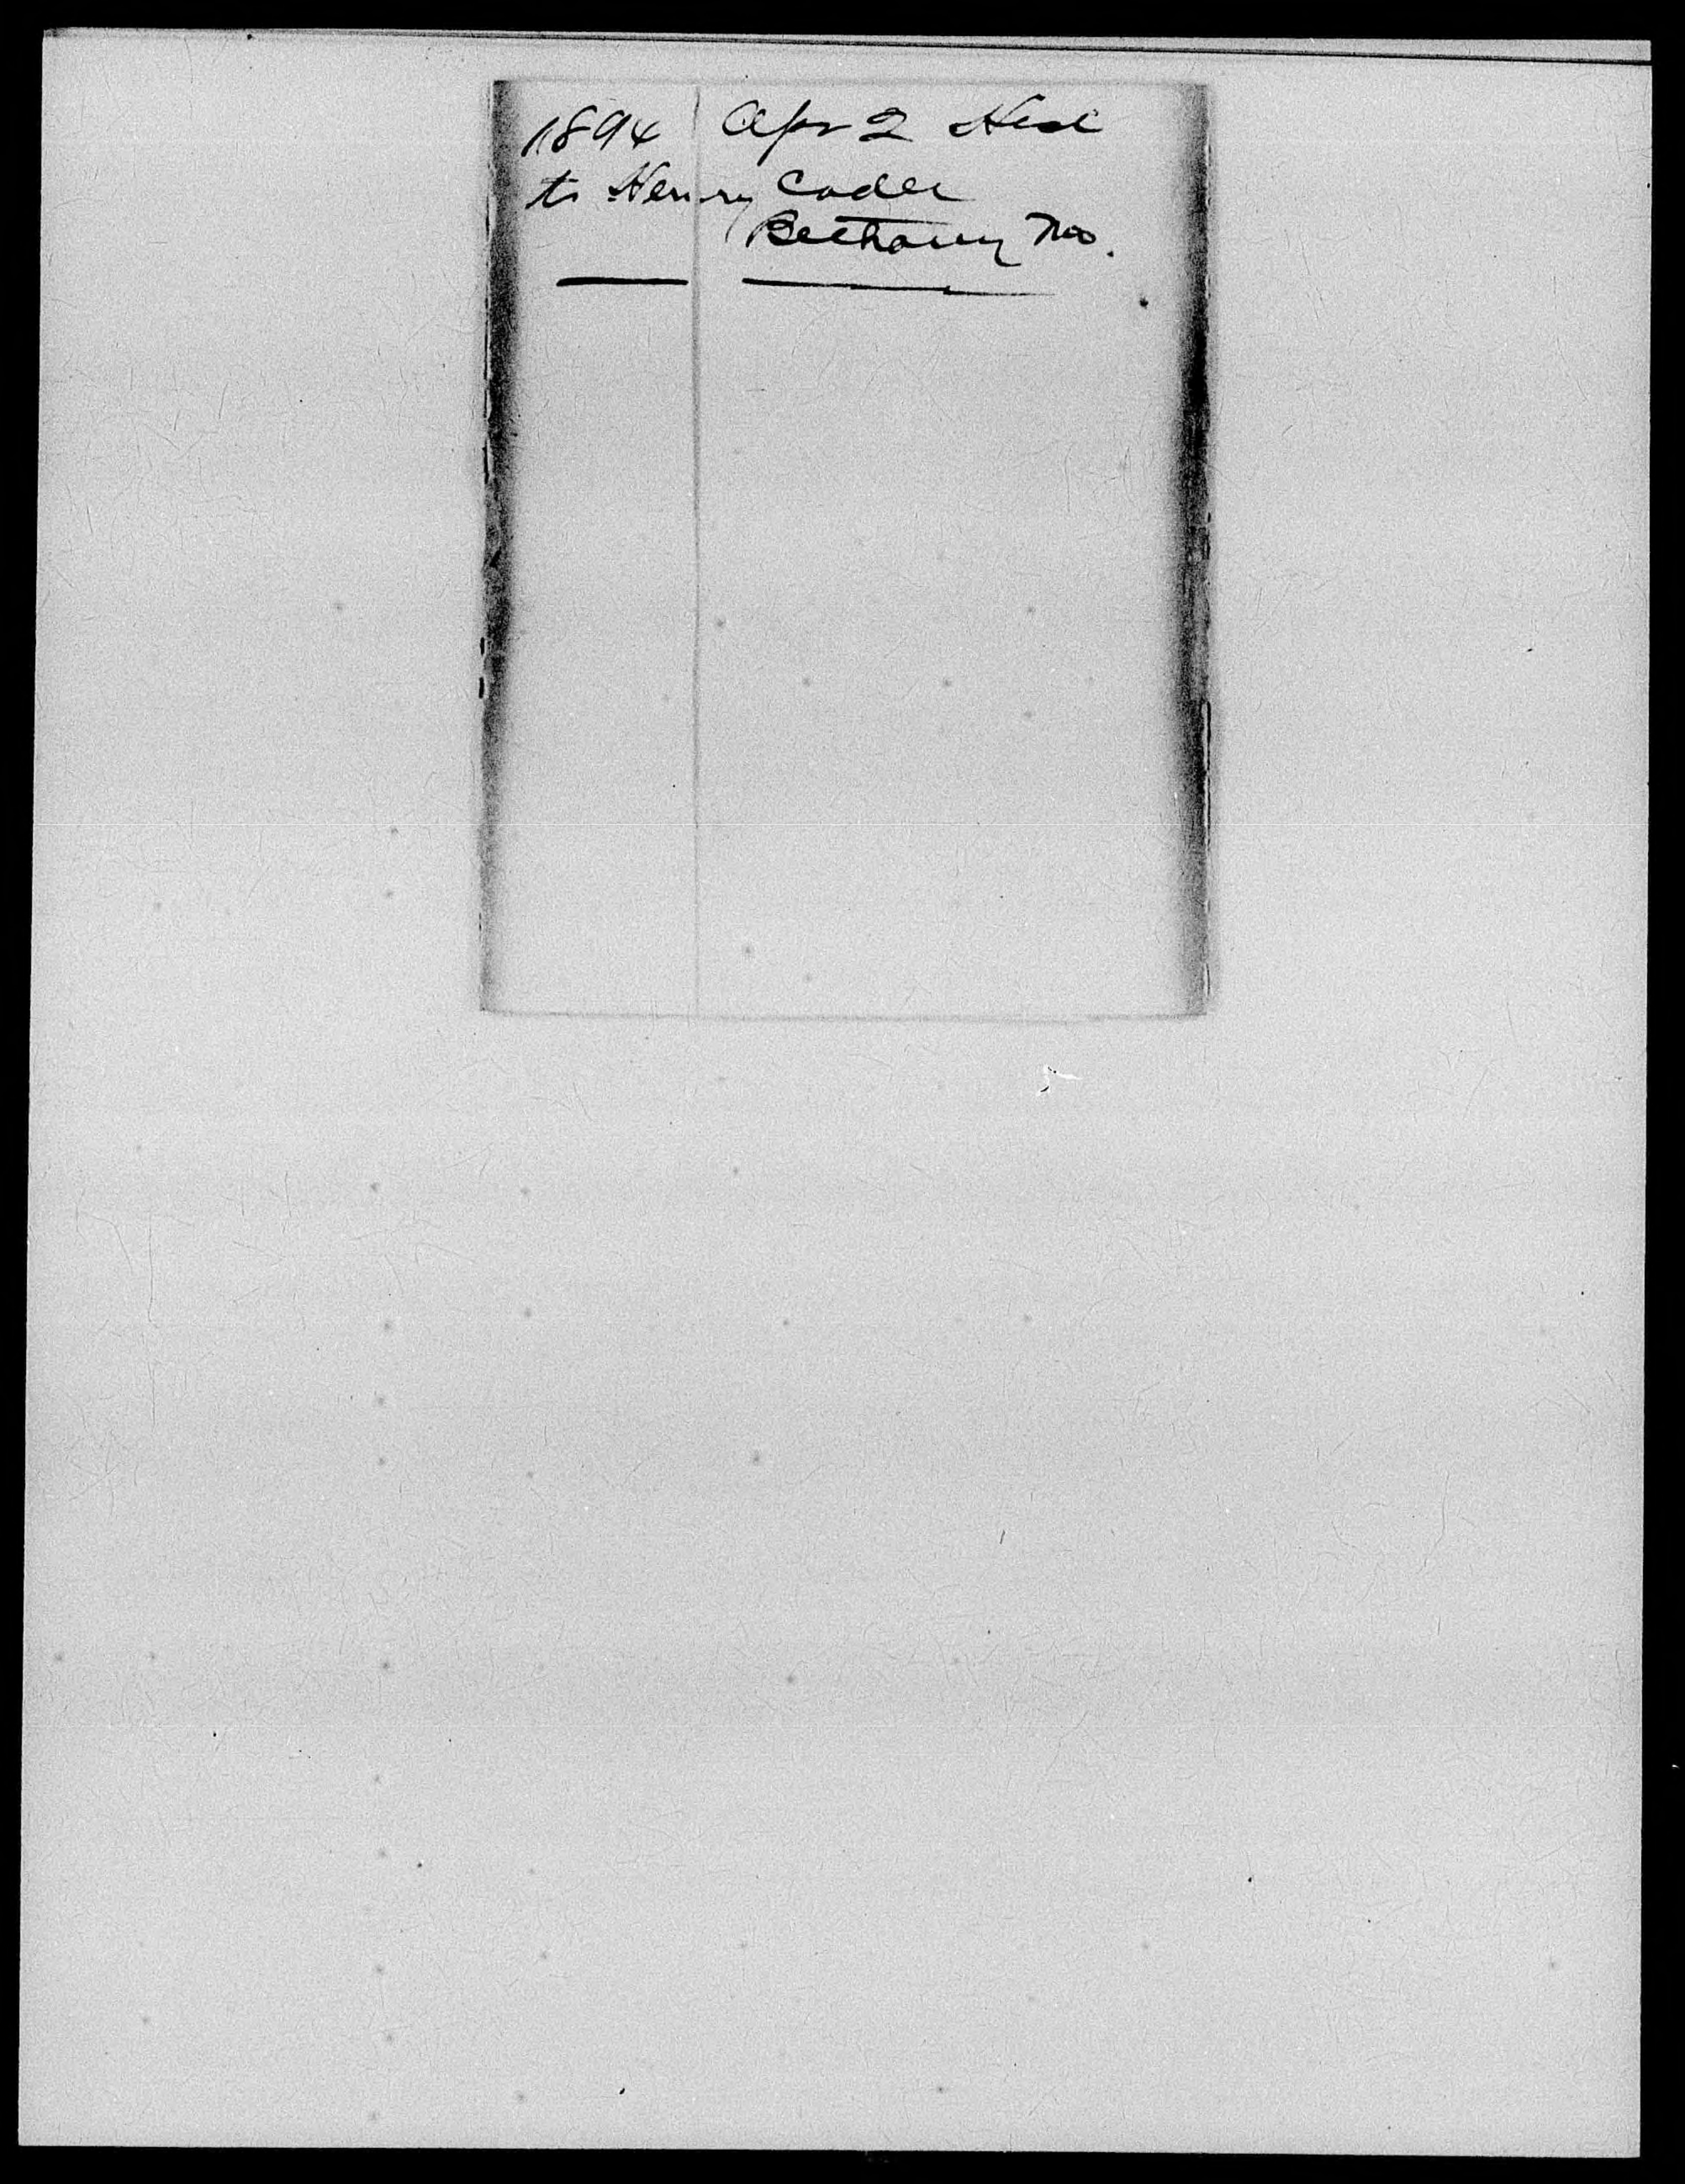1894 Apr 2 Sent to Henry Cadle Bethany 
Mo.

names: Henry Cadle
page: 22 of 53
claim: widow's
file: W. 492, for Daniel Lamprey, New Hampshire